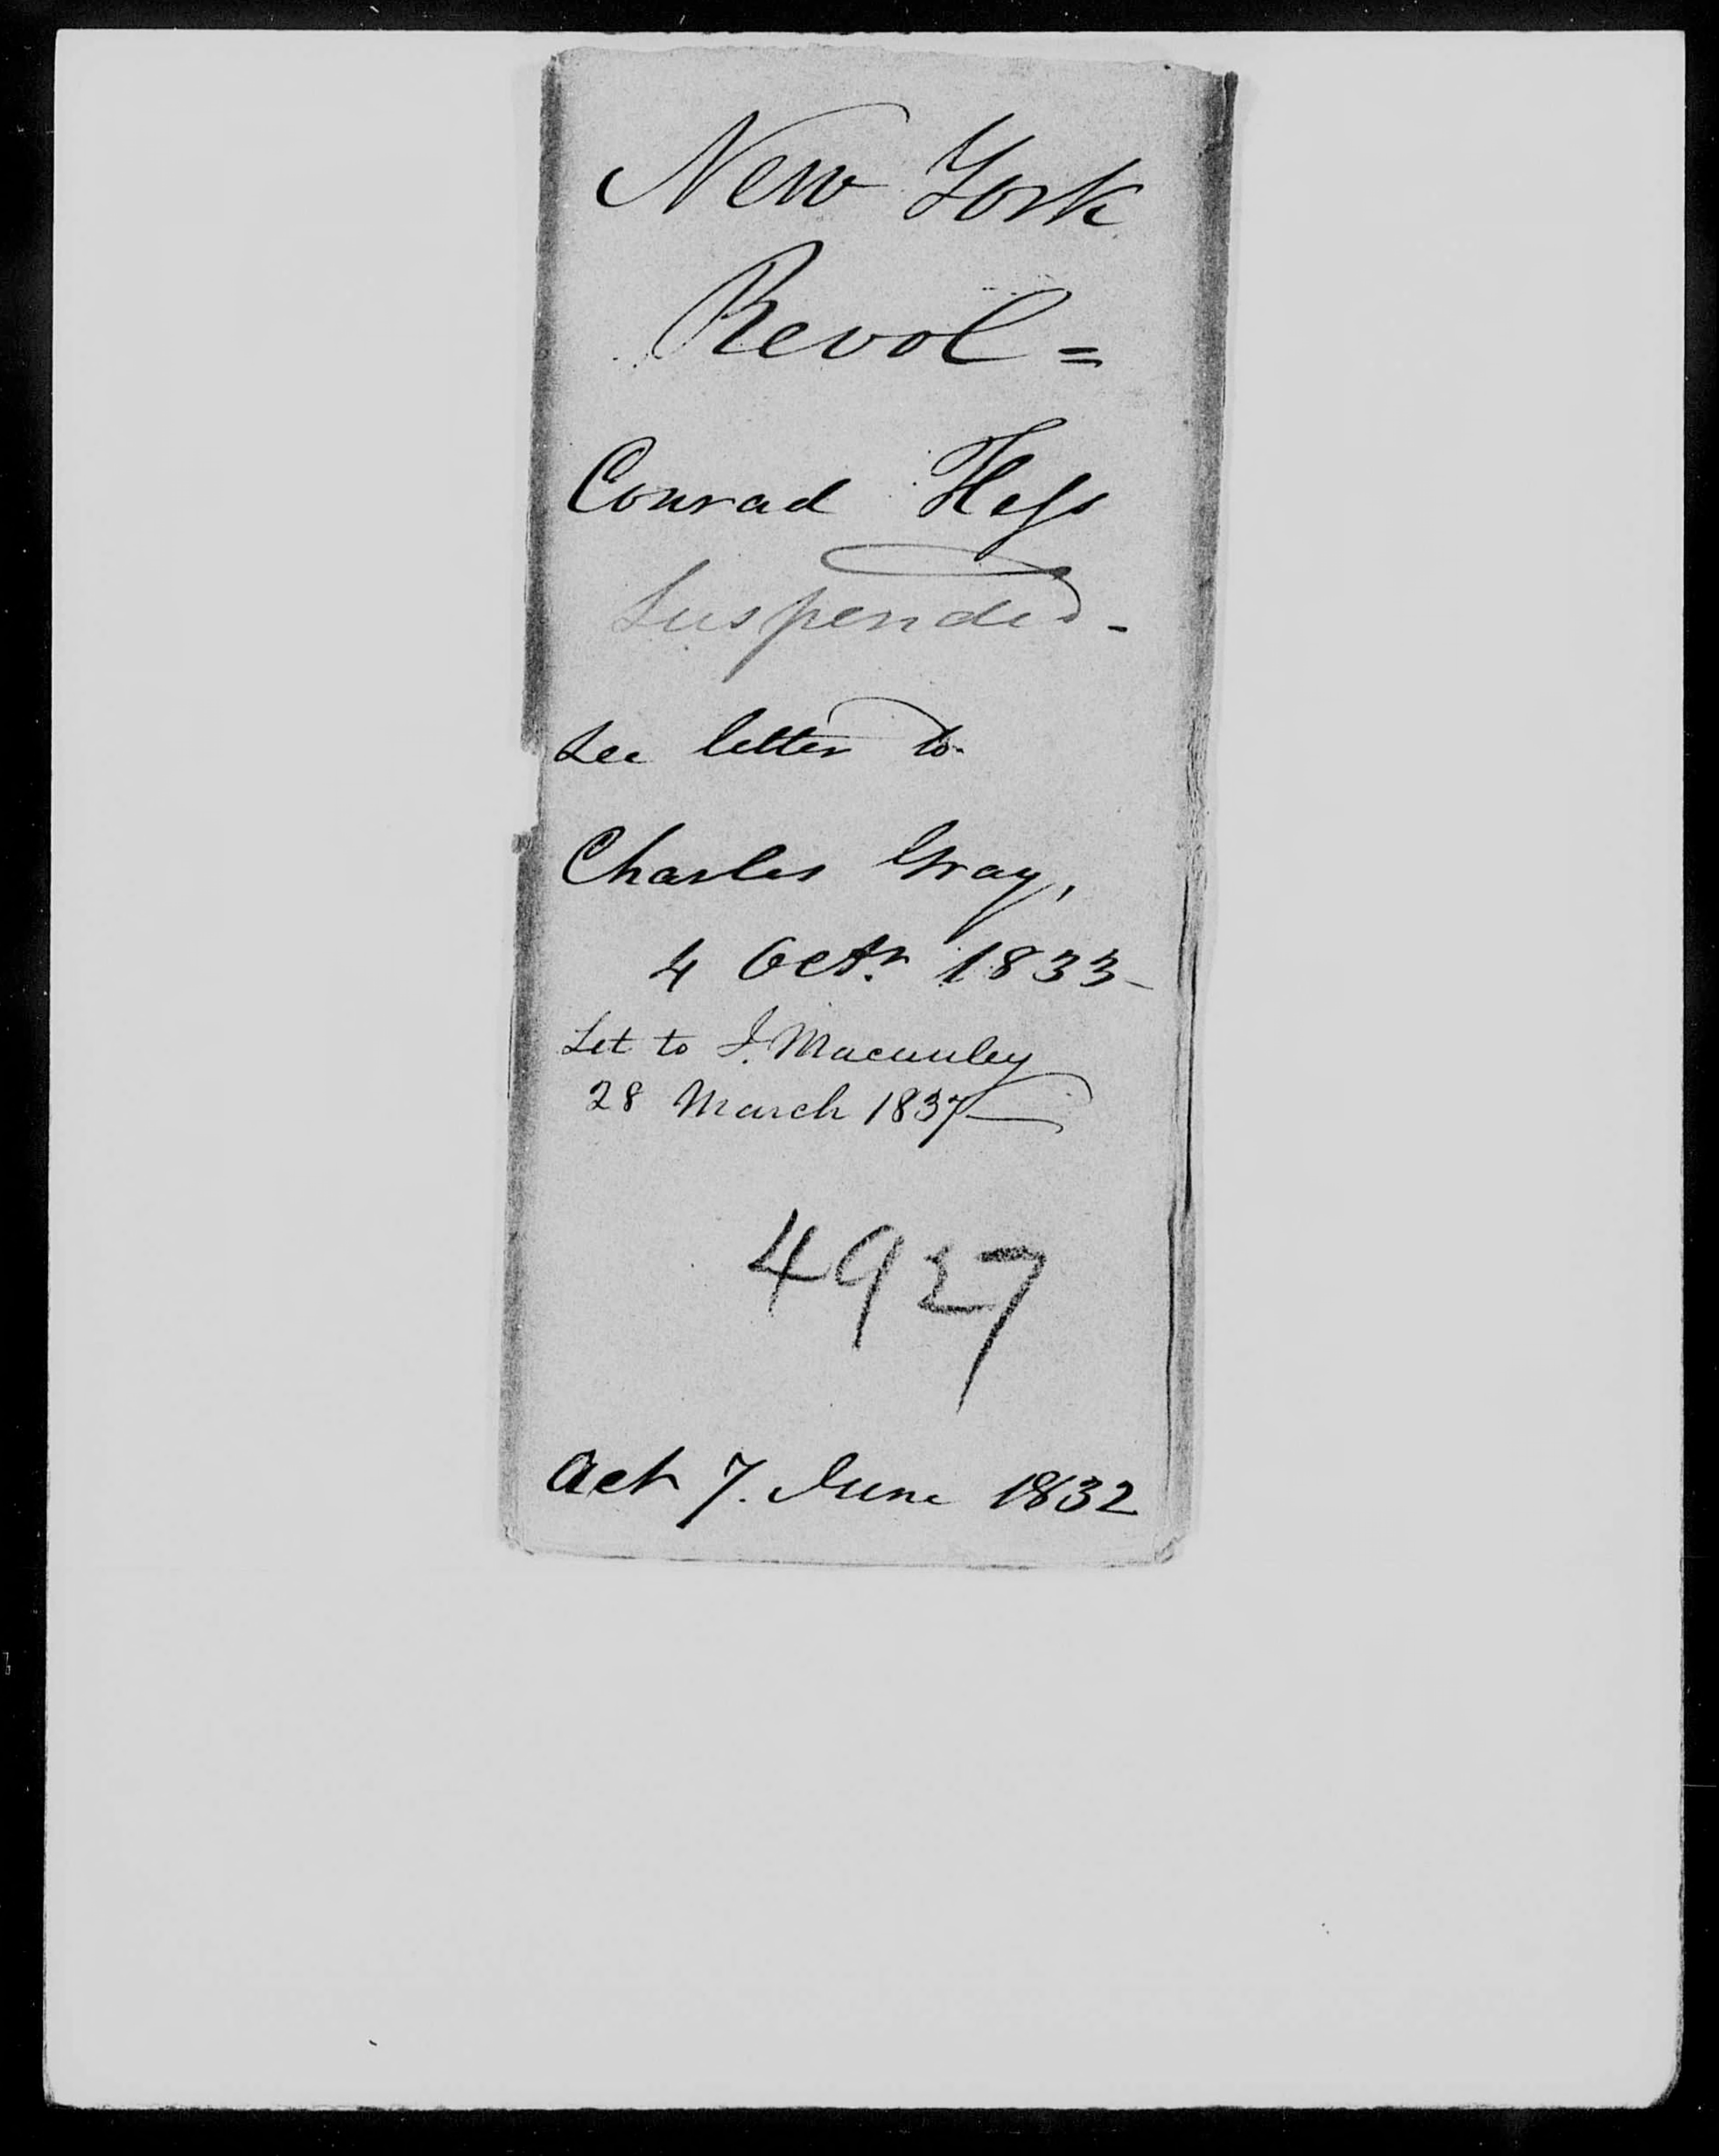[handwritten]

New York
Revol =
Conrad Hess
Suspended -
See letter to Charles Gray, 4 Oct. 1833 -
Let to J. Macunley 28 March 1837
4927
act 7. June 1832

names: Conrad Hess, Charles Gray, J Macunley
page: 19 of 30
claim: rejected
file: R. 4927, Conrad Hess, New York